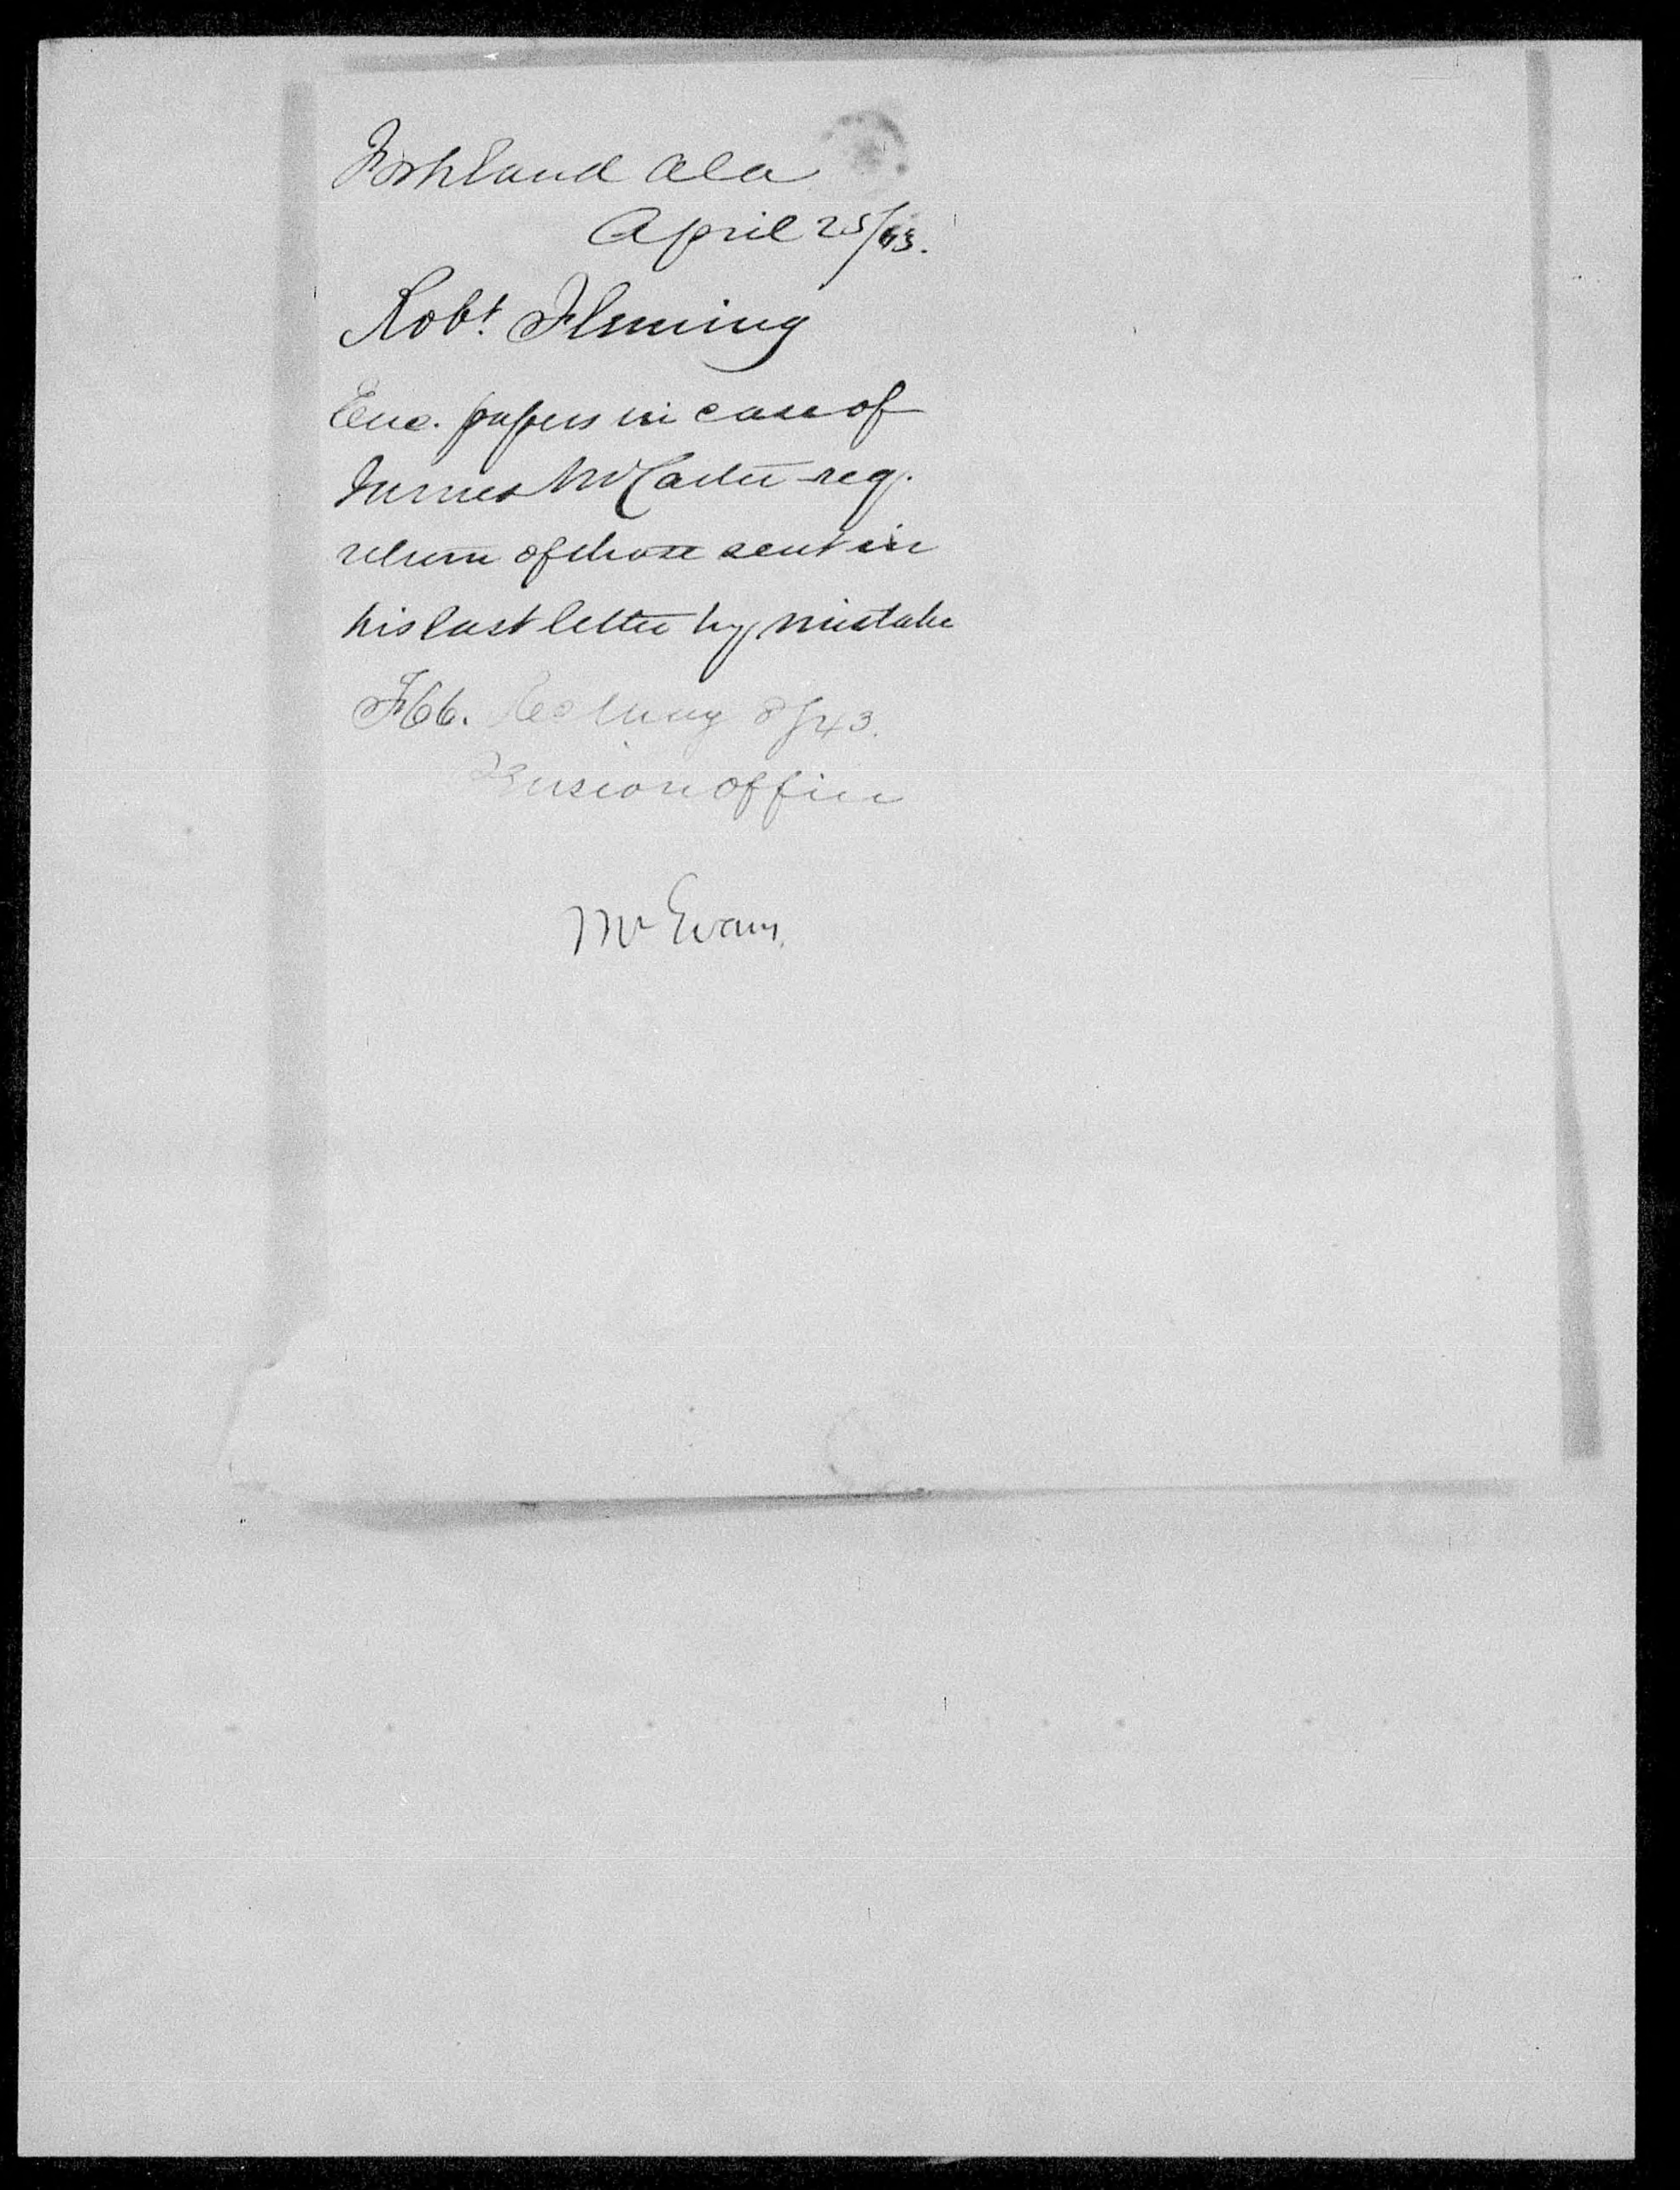Forkland Ala
April 25/43.
Robt Fleming illegible] papers in case of
James McCarter req. return of that service his last letter by mistake
TCC. [illegible] 43
Pension Office
Mr Evans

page: 27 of 45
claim: survivor's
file: S. 13,890, for James Mc Carter, South Carolina